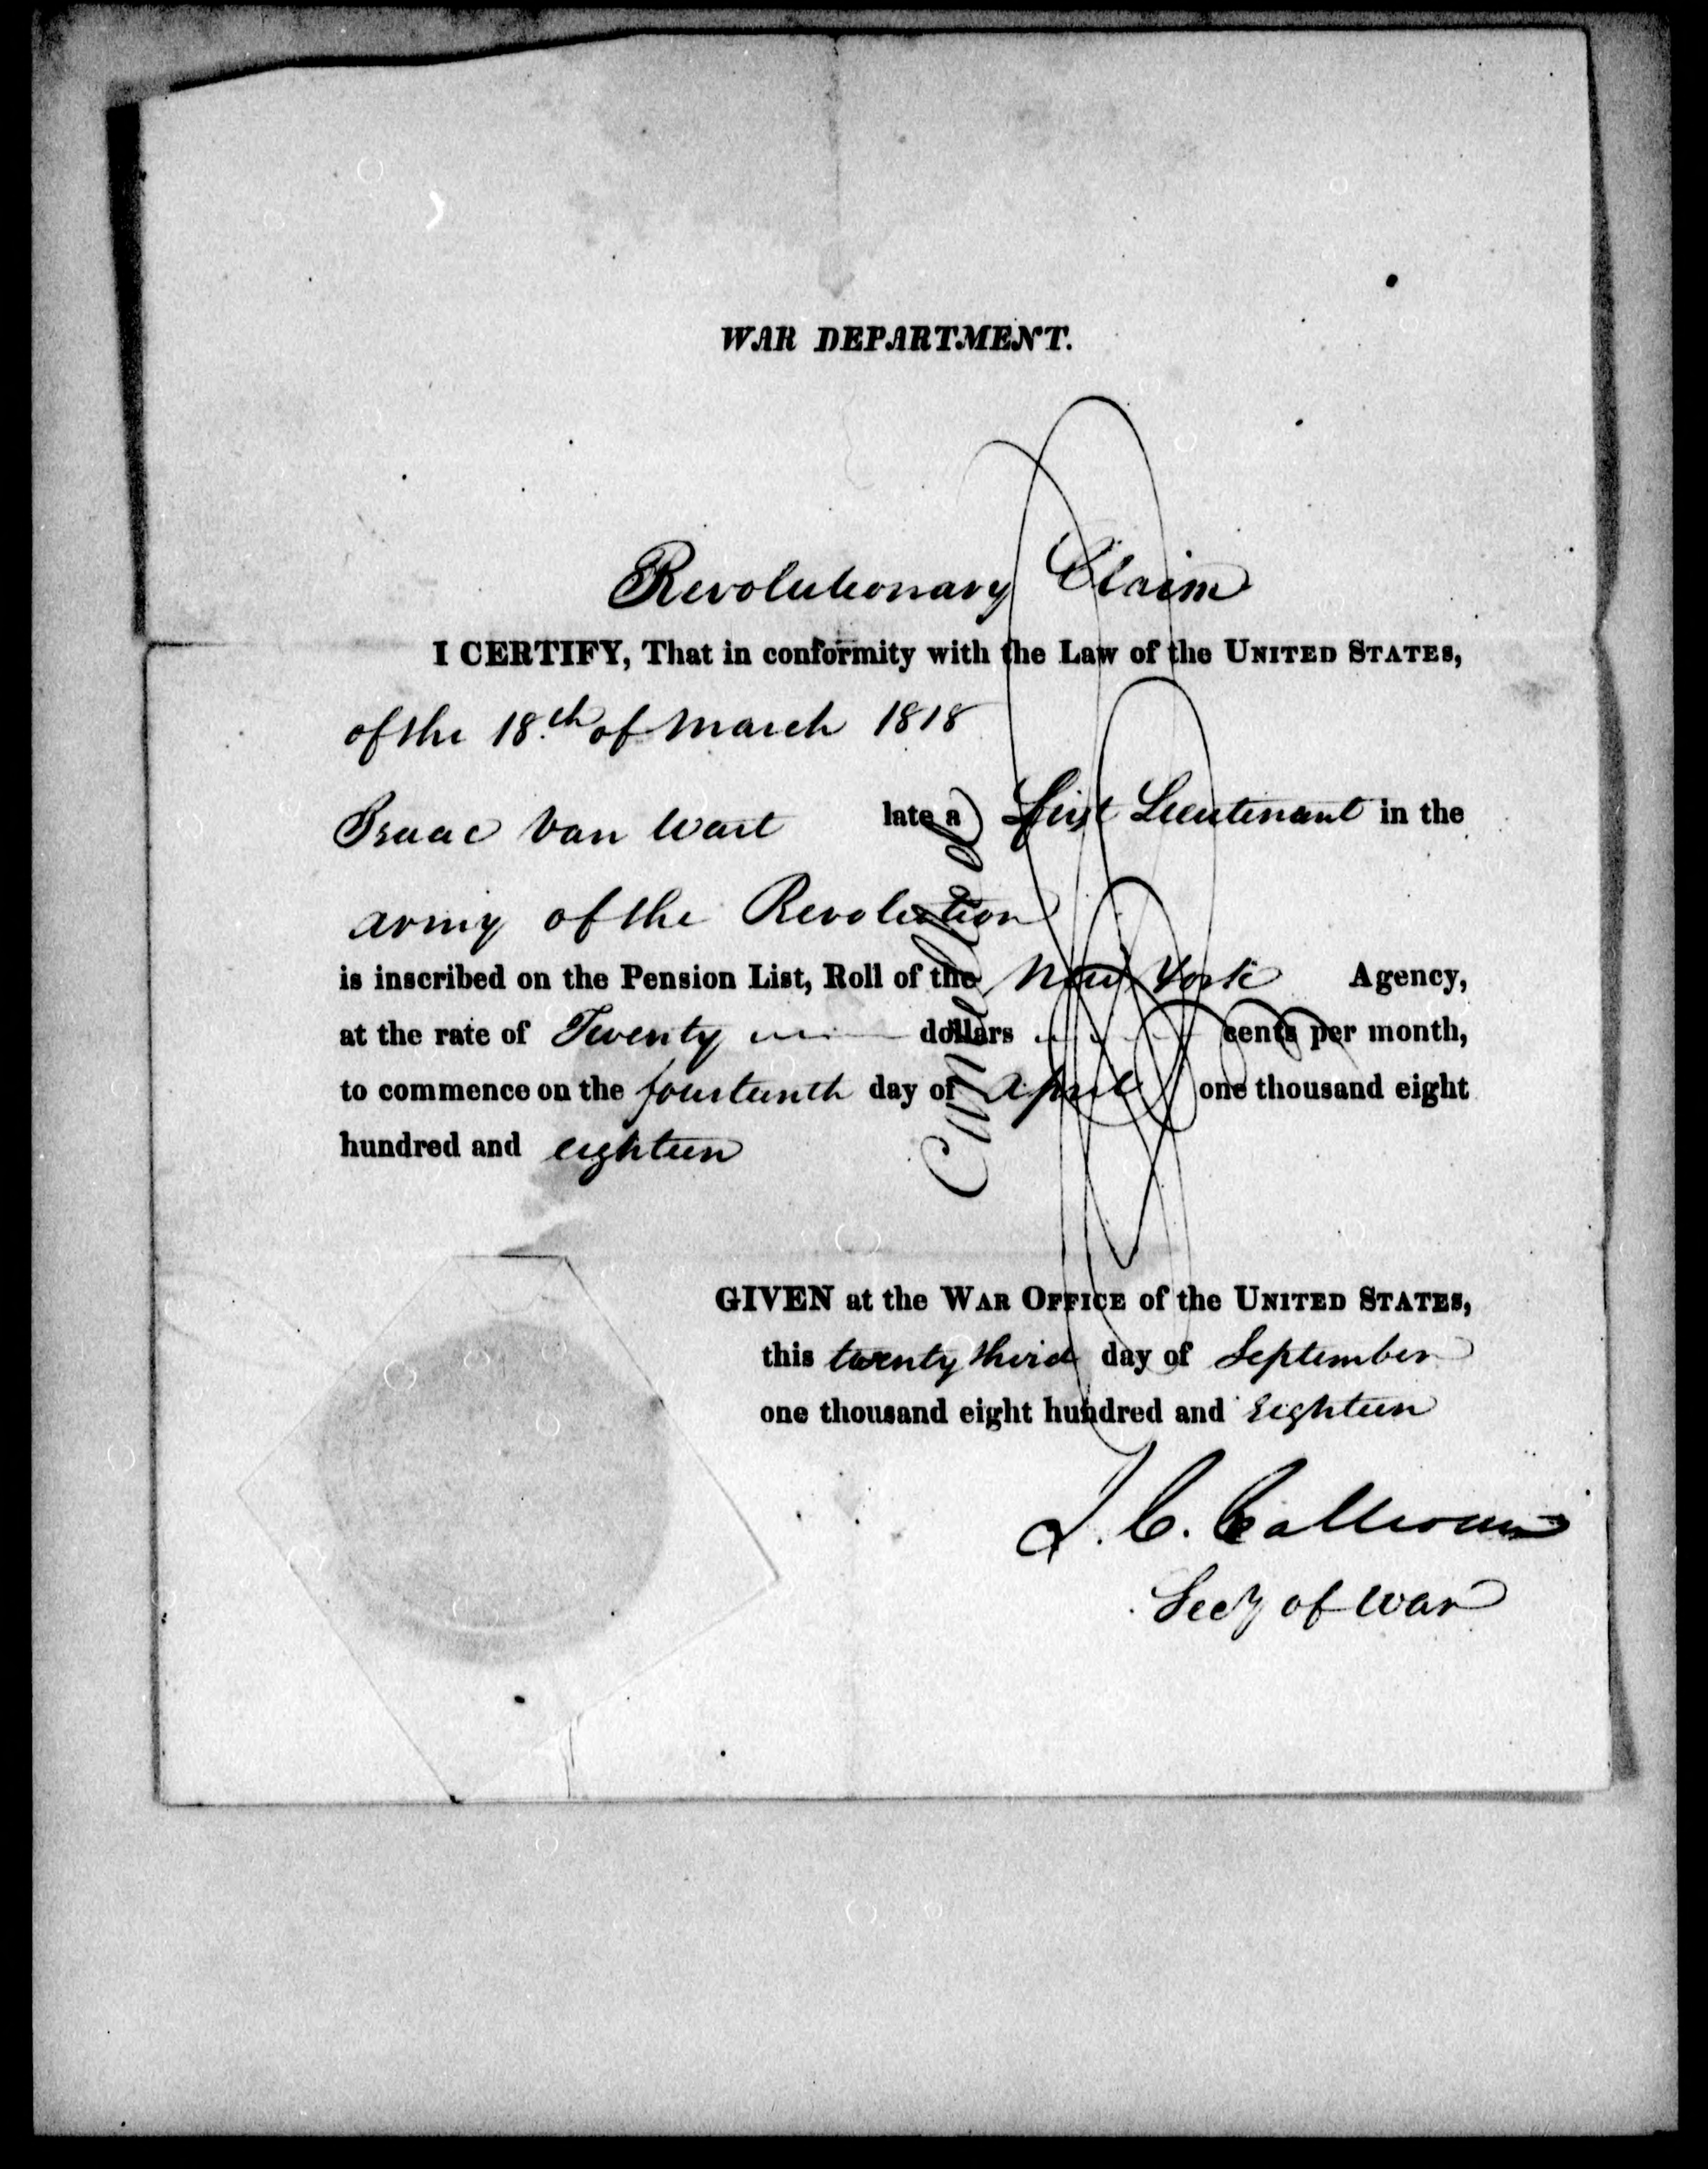WAR DEPARTMENT. 
Revolutionary Claim
I CERTIFY, That in conformity with the Law of the UNITED STATES, of the 18th of March 1818 Isaac Van Wart late a first Lieutenant in the army of the Revolution is inscribed on the Pension List, Roll of the York Agency, at the rate of Twenty dollars ___ cents per month, to commence on the fourteenth day of April one thousand eight hundred and eighteen
GIVEN at the WAR OFFICE of the UNITED STATES, this twenty third day of September one thousand eight hundred and eighteen 
[signed] J. C. Calhoun 
Secy of War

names: Isaac Van Wart, J C Calhoun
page: 35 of 102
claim: widow's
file: W. 18239, Isaac Van Wart, New York